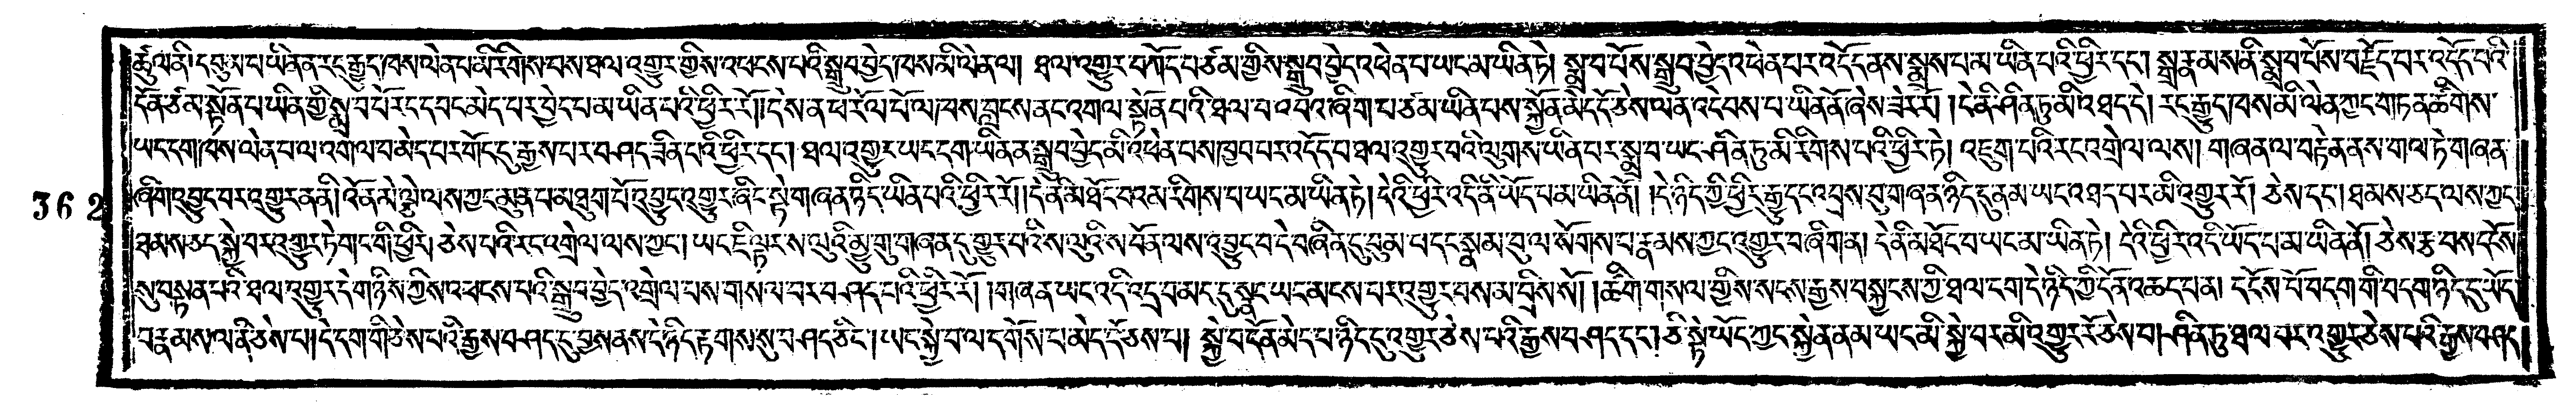ཚུལ་ནི། དབུ་མ་པ་ཡིན་ན་རང་རྒྱུད་ཁས་ལེན་པ་མི་རིགས་པས་ཐལ་འགྱུར་གྱིས་འཕངས་པའི་སྒྲུབ་བྱེད་ཁས་མི་ལེན་ལ། ཐལ་འགྱུར་བཀོད་པ་ཙམ་གྱིས་སྒྲུབ་བྱེད་འཕེན་བ་ཡང་མ་ཡིན་ཏེ། སྨྲ་བ་པོས་སྒྲུབ་བྱེད་འཕེན་པར་འདོད་ནས་སྨྲས་པ་མ་ཡིན་པའི་ཕྱིར་དང་། སྒྲ་རྣམས་ནི་སྨྲ་བ་པོས་བརྗོད་བར་འདོད་པའི་
དོན་ཙམ་སྟོན་པ་ཡིན་གྱི་སྨྲ་བ་པོ་རང་དབང་མེད་པར་བྱེད་པ་མ་ཡིན་པའི་ཕྱིར་རོ། །དེས་ན་ཕ་རོལ་པོ་ལ་ཁས་བླངས་ནང་འགལ་སྟོན་པའི་ཐལ་བ་འབའ་ཞིག་པ་ཙམ་ཡིན་པས་སྐྱོན་མེད་དོ་ཅེས་ལན་འདེབས་པ་ཡིན་ནོ་ཞེས་ཟེར་རོ། །དེ་ནི་ཤིན་ཏུ་མི་འཐད་དེ། རང་རྒྱུད་ཁས་མི་ལེན་ཀྱང་གཏན་ཚིགས་
ཡང་དག་ཁས་ལེན་པ་ལ་འགལ་བ་མེད་པར་གོང་དུ་རྒྱས་པར་བཤད་ཟིན་པའི་ཕྱིར་དང་། ཐལ་འགྱུར་ཡང་དག་ཡིན་ན་སྒྲུབ་བྱེད་མི་འཕེན་བས་ཁྱབ་པར་འདོད་པ་ཐལ་འགྱུར་བའི་ལུགས་ཡིན་བར་སྨྲ་བ་ཡང་ཤིན་ཏུ་མི་རིགས་པའི་ཕྱིར་ཏེ། འཇུག་པའི་རང་འགྲེལ་ལས། གཞན་ལ་བརྟེན་ནས་གལ་ཏེ་གཞན་
ཞིག་འབྱུང་བར་འགྱུར་ན་ནི། འོ་ན་མེ་ལྕེ་ལས་ཀྱང་མུན་པ་མཐུག་པོ་འབྱུང་འགྱུར་ཞིང་སྟེ་གཞན་ཉིད་ཡིན་པའི་ཕྱིར་རོ། །དེ་ནི་མཐོང་བའམ་རིགས་པ་ཡང་མ་ཡིན་ཏེ། དེའི་ཕྱིར་འདི་ནི་ཡོད་པ་མ་ཡིན་ནོ། །དེ་ཉིད་ཀྱི་ཕྱིར་རྒྱུ་དང་འབྲས་བུ་གཞན་ཉིད་དུ་ནམ་ཡང་འཐད་པར་མི་འགྱུར་རོ། ཅེས་དང་། ཐམས་ཅད་ལས་ཀྱང་
ཐམས་ཅད་སྐྱེ་བར་འགྱུར་ཏེ་གང་གི་ཕྱིར། ཅེས་པའི་རང་འགྲེལ་ལས་ཀྱང་། ཡང་ཇི་ལྟར་ས་ལུའི་མྱུ་གུ་གཞན་དུ་གྱུར་བའི་ས་ལུའི་ས་བོན་ལས་འབྱུང་བ་དེ་བཞིན་དུ་བུམ་པ་དང་སྣམ་བུ་ལ་སོགས་བ་རྣམས་ཀྱང་འགྱུར་བ་ཞིག་ན། དེ་ནི་མཐོང་བ་ཡང་མ་ཡིན་ཏེ། དེའི་ཕྱིར་འདི་ཡོད་པ་མ་ཡིན་ནོ། ཅེས་རྩ་བས་དངོས་
སུ་བསྟན་པའི་ཐལ་འགྱུར་དེ་གཉིས་ཀྱིས་འཕངས་པའི་སྒྲུབ་བྱེད་འགྲེལ་པས་གསལ་བར་བཤད་པའི་ཕྱིར་རོ། །གཞན་ཡང་འདི་འདྲ་བ་མང་དུ་སྣང་ཡང་མངས་པར་འགྱུར་བས་མ་བྲིས་སོ། །ཚིག་གསལ་གྱིས་སངས་རྒྱས་བསྐྱངས་ཀྱི་ཐལ་ངག་དེ་ཉིད་ཀྱི་དོན་འཆད་པ་ན། དངོས་བོ་བདག་གི་བདག་ཉིད་དུ་ཡོད་
བ་རྣམས་ལ་ནི་ཅེས་པ། དེ་དག་གི་ཅེས་པའི་རྒྱས་བཤད་དུ་བྱས་ནས་དེ་ཉིད་རྟགས་སུ་བཤད་ཅིང་། ཡང་སྐྱེ་བ་ལ་དགོས་པ་མེད་དོ་ཅེས་པ། སྐྱེ་བ་དོན་མེད་པ་ཉིད་དུ་འགྱུར་ཅེས་པའི་རྒྱས་བཤད་དང་། ཅི་སྟེ་ཡོད་ཀྱང་སྐྱེན་ནམ་ཡང་མི་སྐྱེ་བར་མི་འགྱུར་རོ་ཅེས་བ། ཤིན་ཏུ་ཐལ་བར་འགྱུར་ཅེས་པའི་རྒྱས་བཤད་